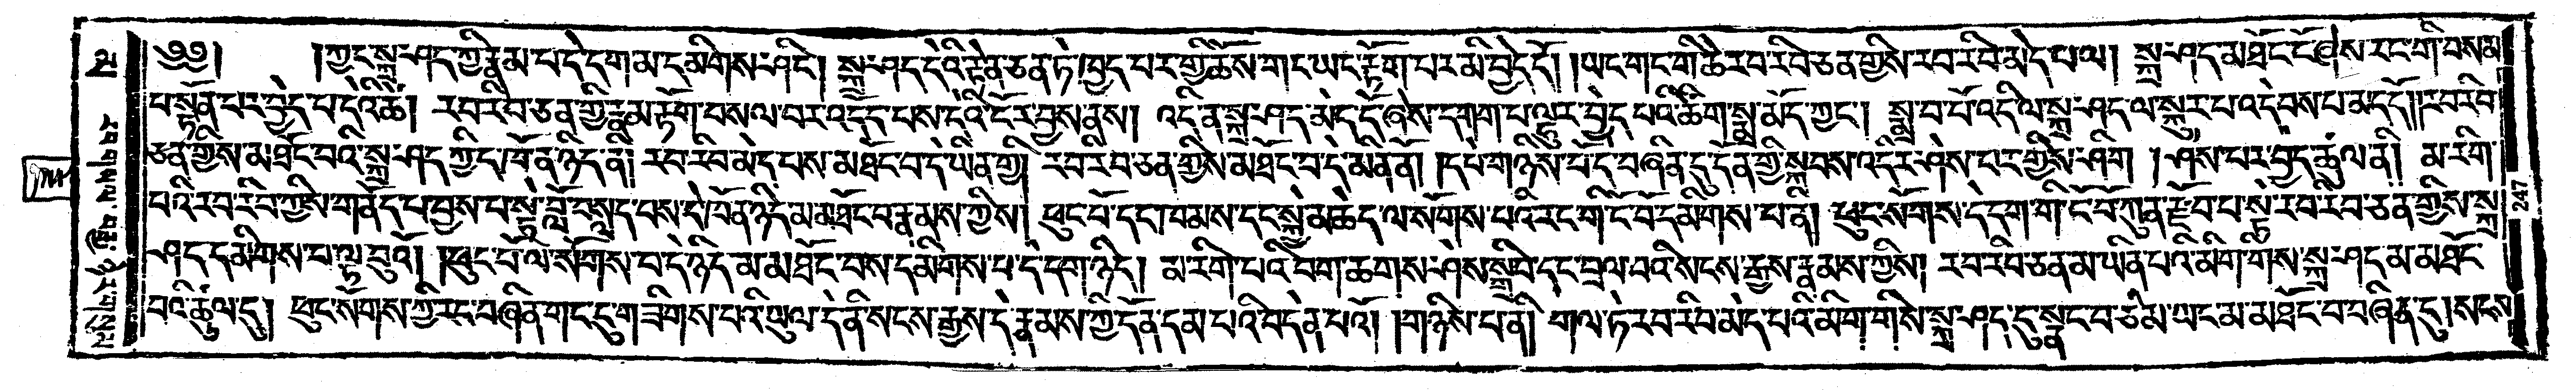༄༅། །ཀྱང་སྐྲ་ཤད་ཀྱི་རྣམ་པ་དེ་དག་མ་དམིགས་ཤིང་། སྐྲ་ཤད་དེའི་རྟེན་ཅན་ཏེ་ཁྱད་པར་གྱི་ཆོས་གང་ཡང་རྟོག་པར་མི་བྱེད་དོ། །ཡང་གང་གི་ཚེ་རབ་རིབ་ཅན་གྱིས་རབ་རིབ་མེད་པ་ལ། སྐྲ་ཤད་མཐོང་ངོ་ཞེས་རང་གི་བསམ་
པ་སྟོན་པར་བྱེད་པ་དེའི་ཚེ། རབ་རིབ་ཅན་གྱི་རྣམ་རྟོག་བསལ་བར་འདོད་པས་དེའི་ངོར་བྱས་ནས། འདི་ན་སྐྲ་ཤད་མེད་དོ་ཞེས་དགག་པ་ལྷུར་བྱེད་པའི་ཚིག་སྨྲ་མོད་ཀྱང་། སྨྲ་བ་པོ་འདི་ལ་སྐྲ་ཤད་ལ་སྐུར་པ་འདེབས་པ་མེད་དོ། །རབ་རིབ་
ཅན་གྱིས་མཐོང་བའི་སྐྲ་ཤད་ཀྱི་དེ་ཁོ་ན་ཉིད་ནི། རབ་རིབ་མེད་པས་མཐོང་བ་དེ་ཡིན་གྱི། རབ་རིབ་ཅན་གྱིས་མཐོང་བ་དེ་མིན་ནོ། །དཔེ་གཉིས་པོ་དེ་བཞིན་དུ་དོན་གྱི་སྐབས་འདིར་ཤེས་པར་གྱིས་ཤིག །ཤེས་པར་བྱེད་ཚུལ་ནི། མ་རིག་
པའི་རབ་རིབ་ཀྱིས་གནོད་པ་བྱས་པ་སྟེ་བློ་བསླད་པས་དེ་ཁོ་ན་ཉིད་མ་མཐོང་བ་རྣམས་ཀྱིས། ཕུང་པོ་དང་ཁམས་དང་སྐྱེ་མཆེད་ལ་སོགས་པའི་རང་གི་ངོ་བོ་དམིགས་པ་ནི། ཕུང་སོགས་དེ་དག་གི་ངོ་བོ་ཀུན་རྫོབ་པ་སྟེ་རབ་རིབ་ཅན་གྱིས་སྐྲ་
ཤད་དམིགས་པ་ལྟ་བུའོ། །ཕུང་པོ་ལ་སོགས་པ་དེ་ཉིད་མ་མཐོང་བས་དམིགས་པ་དེ་དག་ཉིད། མ་རིག་པའི་བག་ཆགས་ཤེས་སྒྲིབ་དང་བྲལ་བའི་སངས་རྒྱས་རྣམས་ཀྱིས། རབ་རིབ་ཅན་མ་ཡིན་པའི་མིག་གིས་སྐྲ་ཤད་མ་མཐོང་
བའི་ཚུལ་དུ། ཕུང་སོགས་ཀྱི་རང་བཞིན་གང་དུ་གཟིགས་པའི་ཡུལ་དེ་ནི་སངས་རྒྱས་དེ་རྣམས་ཀྱི་དོན་དམ་པའི་བདེན་པའོ། །གཉིས་པ་ནི། གལ་ཏེ་རབ་རིབ་མེད་པའི་མིག་གིས་སྐྲ་ཤད་དུ་སྣང་བ་ཙམ་ཡང་མ་མཐོང་བ་བཞིན་དུ། སངས་